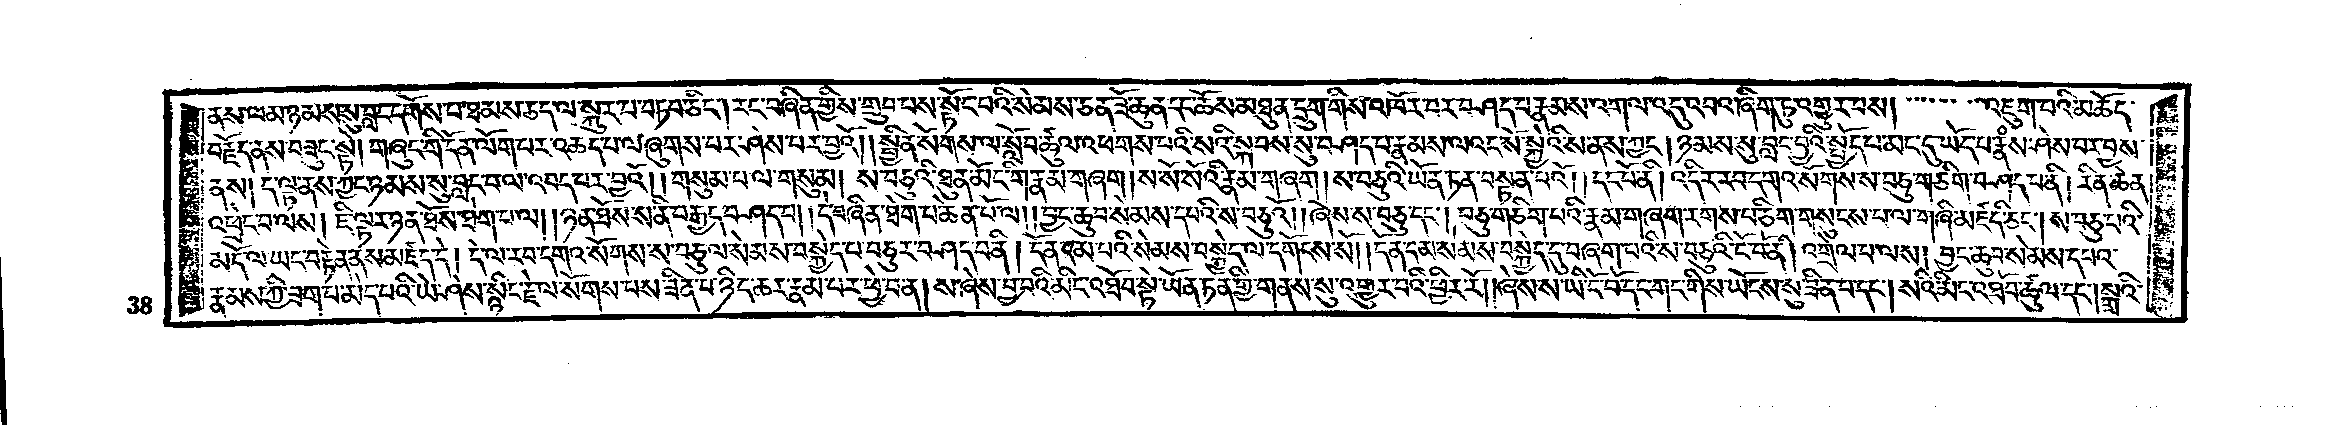ནས་ལམ་ཉམས་སུ་བླང་དགོས་པ་ཐམས་ཅད་ལ་སྐུར་བ་བཏབ་ཅིང་། རང་བཞིན་གྱིས་གྲུབ་པས་སྟོང་པའི་སེམས་ཅན་ཟོ་ཆུན་དང་ཆོས་མཐུན་དྲུག་གིས་འཁོར་བར་བཤད་པ་རྣམས་འགལ་འདུ་འབའ་ཞིག་ཏུ་འགྱུར་པས་འཇུག་པའི་མཆོད་
བརྗོད་ནས་བཟུང་སྟེ། གཞུང་གི་དོན་ལོག་པར་འཆད་པ་ལ་ཞུགས་པར་ཤེས་པར་བྱའོ། །སྦྱིན་སོགས་ལ་སློབ་ཚུལ་འཕགས་པའི་སའི་སྐབས་སུ་བཤད་པ་རྣམས་ལའང་སོ་སྐྱེའི་ས་ནས་ཀྱང་། ཉམས་སུ་བླང་བྱའི་སྤྱོད་པ་མང་དུ་ཡོད་པ་རྣམས་ཤེས་པར་བྱས་
ནས། དེ་ལྟ་ནས་ཀྱང་ཉམས་སུ་བླང་བ་ལ་འབད་པར་བྱའོ། །གསུམ་པ་ལ་གསུམ། ས་བཅུའི་ཐུན་མོང་གི་རྣམ་གཞག །ས་སོ་སོའི་རྣམ་གཞག །ས་བཅུའི་ཡོན་ཏན་བསྟན་པའོ། །དང་པོ་ནི། འདིར་རབ་དགའ་སོགས་ས་བཅུ་གཅིག་བཤད་པ་ནི། རིན་ཆེན་
འཕྲེང་བ་ལས། ཇི་ལྟར་ཉན་ཐོས་ཐེག་པ་ལ། །ཉན་ཐོས་ས་ནི་བརྒྱད་བཤད་པ། །དེ་བཞིན་ཐེག་པ་ཆེན་པོ་ལ། །བྱང་ཆུབ་སེམས་དཔའི་ས་བཅུའོ། །ཞེས་ས་བཅུ་དང་། བཅུ་གཅིག་པའི་རྣམ་གཞག་རགས་པ་ཅིག་གསུངས་པ་ལ་གཞི་མཛད་ཅིང་། ས་བཅུ་པའི་
མདོ་ལ་ཡང་བརྟེན་ནས་མཛད་དེ། དེ་ལ་རབ་དགའ་སོགས་ས་བཅུ་ལ་སེམས་བསྐྱེད་པ་བཅུར་བཤད་པ་ནི། དོན་དམ་པའི་སེམས་བསྐྱེད་ལ་དགོངས་སོ། །དོན་དམ་སེམས་བསྐྱེད་དུ་བཞག་པའི་ས་བཅུའི་ངོ་བོ་ནི། འགྲེལ་པ་ལས། བྱང་ཆུབ་སེམས་དཔའ་
རྣམས་ཀྱི་ཟག་པ་མེད་པའི་ཡེ་ཤེས་སྙིང་རྗེ་ལ་སོགས་པས་ཟིན་པ་ཉིད་ཆར་རྣམ་པར་ཕྱེ་བ་ན། ས་ཞེས་བྱ་བའི་མིང་འཐོབ་སྟེ་ཡོན་ཏན་གྱི་གནས་སུ་འགྱུར་བའི་ཕྱིར་རོ། །ཞེས་ས་ཡི་ངོ་བོ་དང་གང་གིས་ཡོངས་སུ་ཟིན་པ་དང་། སའི་མིང་འཐོབ་ཚུལ་དང་། སྒྲའི་